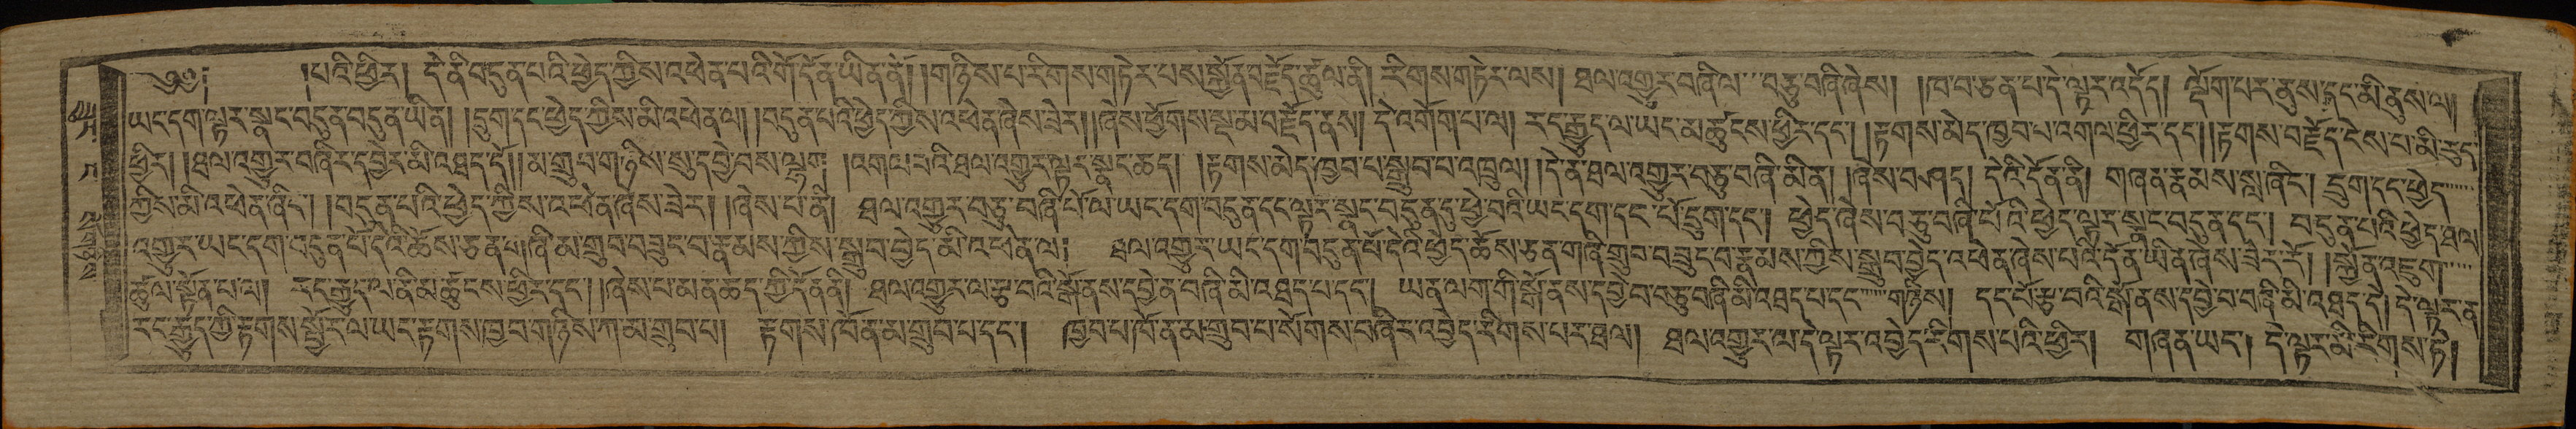༄༅། །པའི་ཕྱིར། དེ་ནི་བདུན་པའི་ཕྱེད་ཀྱིས་འཕེན་པའི་གོ་དོན་ཡིན་ནོ། །གཉིས་པ་རིགས་གཏེར་པས་སྐྱོན་བརྗོད་ཚུལ་ནི། རིགས་གཏེར་ལས། ཐལ་འགྱུར་བཞི་ལ་བཅུ་བཞི་ཞེས། །ཁ་བ་ཅན་པ་དེ་ལྟར་འདོད། ལྡོག་པར་ནུས་དང་མི་ནུས་ལ།
ཡང་དག་ལྟར་སྣང་བདུན་བདུན་ཡིན། །དྲུག་དང་ཕྱེད་ཀྱིས་མི་འཕེན་ལ། །བདུན་པའི་ཕྱེད་ཀྱིས་འཕེན་ཞེས་ཟེར། །ཞེས་ཕྱོགས་སྔ་མ་བརྗོད་ནས། དེ་འགོག་པ་ལ། རང་རྒྱུད་ལ་ཡང་མཚུངས་ཕྱིར་དང་། །རྟགས་མེད་ཁྱབ་པ་འགལ་ཕྱིར་དང་། །རྟགས་བརྗོད་ངེས་པ་མི་རུང་
ཕྱིར། །ཐལ་འགྱུར་བཞིར་དབྱེར་མི་འཐད་དོ། །མ་གྲུབ་གཉིས་སུ་དབྱེ་བས་ལྷག །འགལ་བའི་ཐལ་འགྱུར་ལྟར་སྣང་ཆད། །རྟགས་མེད་ཁྱབ་པ་སྒྲུབ་པ་འཁྲུལ། །དེ་ན་ཐལ་འགྱུར་བཅུ་བཞི་མིན། །ཞེས་བཤད། དེའི་དོན་ནི། གཞན་རྣམས་སླ་ཞིང་། དྲུག་དང་ཕྱེད་
ཀྱིས་མི་འཕེན་ཞིང་། །བདུན་པའི་ཕྱེད་ཀྱིས་འཕེན་ཞེས་ཟེར། །ཞེས་པ་ནི། ཐལ་འགྱུར་བཅུ་བཞི་པོ་ལ་ཡང་དག་བདུན་དང་ལྟར་སྣང་བདུན་དུ་ཕྱེ་བའི་ཡང་དག་དང་པོ་དྲུག་དང་། ཕྱེད་ཞེས་བཅུ་བཞི་པོའི་ཕྱེད་ལྟར་སྣང་བདུན་དང་། བདུན་པའི་ཕྱེད་ཐལ་
འགྱུར་ཡང་དག་བདུན་པོ་དེའི་ཆོས་ཅན་གཞི་མ་གྲུབ་བཟུང་བ་རྣམས་ཀྱིས་སྒྲུབ་བྱེད་མི་འཕེན་ལ། ཐལ་འགྱུར་ཡང་དག་བདུན་པོ་དེའི་ཕྱེད་ཆོས་ཅན་གཞི་གྲུབ་བཟུང་བ་རྣམས་ཀྱིས་སྒྲུབ་བྱེད་འཕེན་ཞེས་པའི་དོན་ཡིན་ཞེས་ཟེར་རོ། །སྐྱོན་འཇུག་
ཚུལ་སྟོན་པ་ལ། རང་རྒྱུད་ལ་ནི་མཚུངས་ཕྱིར་དང་། །ཞེས་པ་མན་ཆད་ཀྱི་དོན་ནི། ཐལ་འགྱུར་ལ་རྩ་བའི་སྒོ་ནས་དབྱེ་ན་བཞི་མི་འཐད་པ་དང་། ཡན་ལག་གི་སྒོ་ནས་དབྱེ་བ་བཅུ་བཞི་མི་འཐད་པ་དང་གཉིས། དང་པོ་རྩ་བའི་སྒོ་ནས་དབྱེ་བ་བཞི་མི་འཐད་དེ། དེ་ལྟར་ན་
རང་རྒྱུད་ཀྱི་རྟགས་སྦྱོར་ལ་ཡང་རྟགས་ཁྱབ་གཉིས་ཀ་མ་གྲུབ་པ། རྟགས་ཁོ་ན་མ་གྲུབ་པ་དང་། ཁྱབ་པ་ཁོ་ན་མ་གྲུབ་པ་སོགས་བཞིར་འབྱེད་རིགས་པར་ཐལ། ཐལ་འགྱུར་ལ་དེ་ལྟར་འབྱེད་རིགས་པའི་ཕྱིར། གཞན་ཡང་། དེ་ལྟར་མི་རིགས་ཏེ།